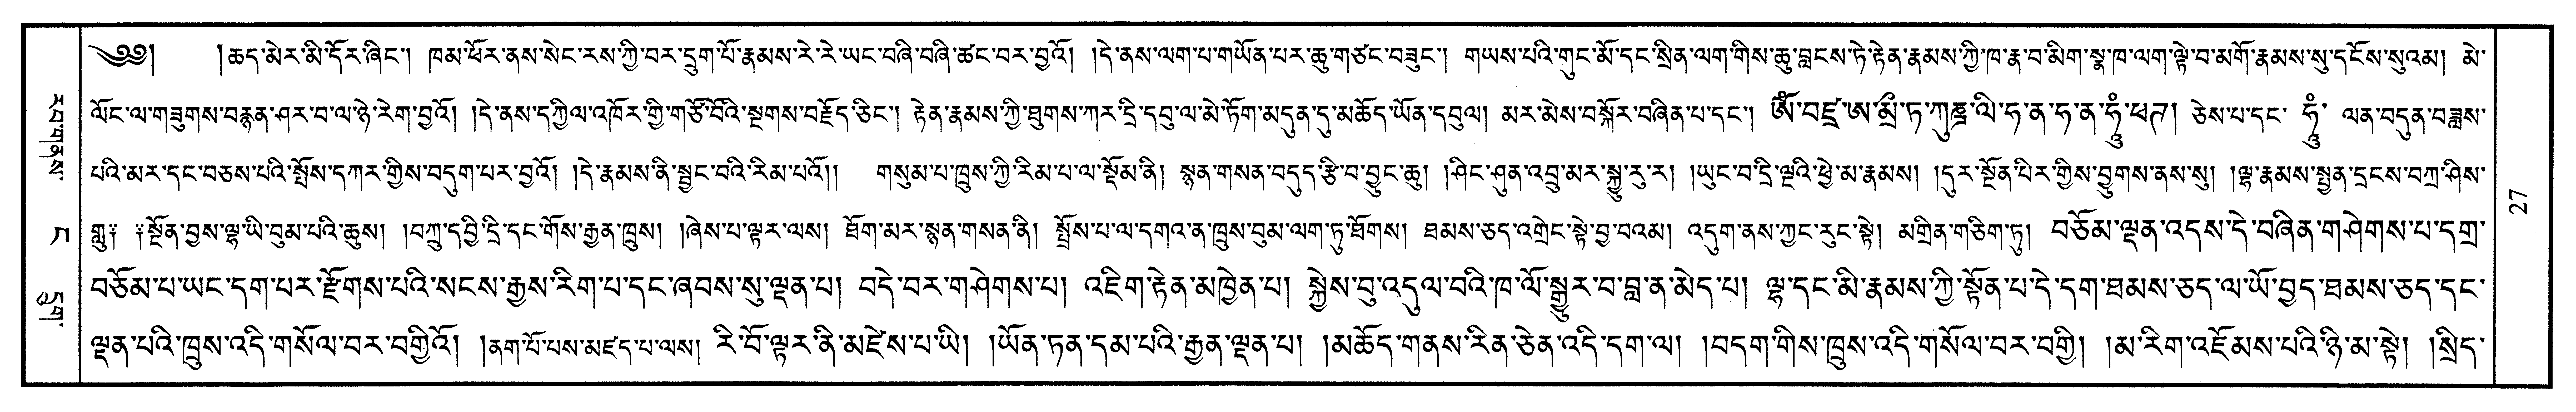༄༅། །ཆད་མེར་མི་དོར་ཞིང་། ཁམ་ཕོར་ནས་སེང་རས་ཀྱི་བར་དྲུག་པོ་རྣམས་རེ་རེ་ཡང་བཞི་བཞི་ཚང་བར་བྱའོ། །དེ་ནས་ལག་པ་གཡོན་པར་ཆུ་གཙང་བཟུང་། གཡས་པའི་གུང་མོ་དང་སྲིན་ལག་གིས་ཆུ་བླངས་ཏེ་རྟེན་རྣམས་ཀྱི་ཁ་རྣ་བ་མིག་སྣ་ཁ་ལག་ལྟེ་བ་མགོ་རྣམས་སུ་དངོས་སུའམ། མེ་
ལོང་ལ་གཟུགས་བརྙན་ཤར་བ་ལ་ཉེ་རེག་བྱའོ། །དེ་ནས་དཀྱིལ་འཁོར་གྱི་གཙོ་བོའི་སྔགས་བརྗོད་ཅིང་། རྟེན་རྣམས་ཀྱི་ཐུགས་ཀར་དྲི་དབུ་ལ་མེ་ཏོག་མདུན་དུ་མཆོད་ཡོན་དབུལ། མར་མེས་བསྐོར་བཞིན་པ་དང་། ཨོཾ་བཛྲ་ཨ་མྲྀ་ཏ་ཀུཎྜ་ལི་ཧ་ན་ཧ་ན་ཧཱུཾ་ཕཊ། ཅེས་པ་དང་ཧཱུཾ་ལན་བདུན་བཟླས་
པའི་མར་དང་བཅས་པའི་སྤོས་དཀར་གྱིས་བདུག་པར་བྱའོ། །དེ་རྣམས་ནི་སྦྱང་བའི་རིམ་པའོ།། གསུམ་པ་ཁྲུས་ཀྱི་རིམ་པ་ལ་སྡོམ་ནི། སྙན་གསན་བདུད་རྩི་བ་བྱུང་ཆུ། །ཤིང་ཤུན་འབྲུ་མར་སྐྱུ་རུ་ར། །ཡུང་བ་དྲི་ལྔའི་ཕྱེ་མ་རྣམས། །དུར་སྔོན་པིར་གྱིས་བྱུགས་ནས་སུ། །ལྷ་རྣམས་སྤྱན་དྲངས་བཀྲ་ཤིས་
གླུ༑ ༑སྔོན་བྱས་ལྷ་ཡི་བུམ་པའི་ཆུས། །བཀྲུ་དབྱི་དྲི་དང་གོས་རྒྱན་ཁྲུས། །ཞེས་པ་ལྟར་ལས། ཐོག་མར་སྙན་གསན་ནི། སྤྲོས་པ་ལ་དགའ་ན་ཁྲུས་བུམ་ལག་ཏུ་ཐོགས། །ཐམས་ཅད་འགྲེང་སྟེ་བྱ་བའམ། འདུག་ནས་ཀྱང་རུང་སྟེ། མགྲིན་གཅིག་ཏུ། བཅོམ་ལྡན་འདས་དེ་བཞིན་གཤེགས་པ་དགྲ་
བཅོམ་པ་ཡང་དག་པར་རྫོགས་པའི་སངས་རྒྱས་རིག་པ་དང་ཞབས་སུ་ལྡན་པ། བདེ་བར་གཤེགས་པ། འཇིག་རྟེན་མཁྱེན་པ། སྐྱེས་བུ་འདུལ་བའི་ཁ་ལོ་སྒྱུར་བ་བླ་ན་མེད་པ། ལྷ་དང་མི་རྣམས་ཀྱི་སྟོན་པ་དེ་དག་ཐམས་ཅད་ལ་ཡོ་བྱད་ཐམས་ཅད་དང་
ལྡན་པའི་ཁྲུས་འདི་གསོལ་བར་བགྱིའོ། །ནག་པོ་པས་མཛད་པ་ལས། རི་བོ་ལྟར་ནི་མཛེས་པ་ཡི། །ཡོན་ཏན་དམ་པའི་རྒྱན་ལྡན་པ། །མཆོད་གནས་རིན་ཅེན་འདི་དག་ལ། །བདག་གིས་ཁྲུས་འདི་གསོལ་བར་བགྱི། །མ་རིག་འཇོམས་པའི་ཉི་མ་སྟེ། །སྲིད་